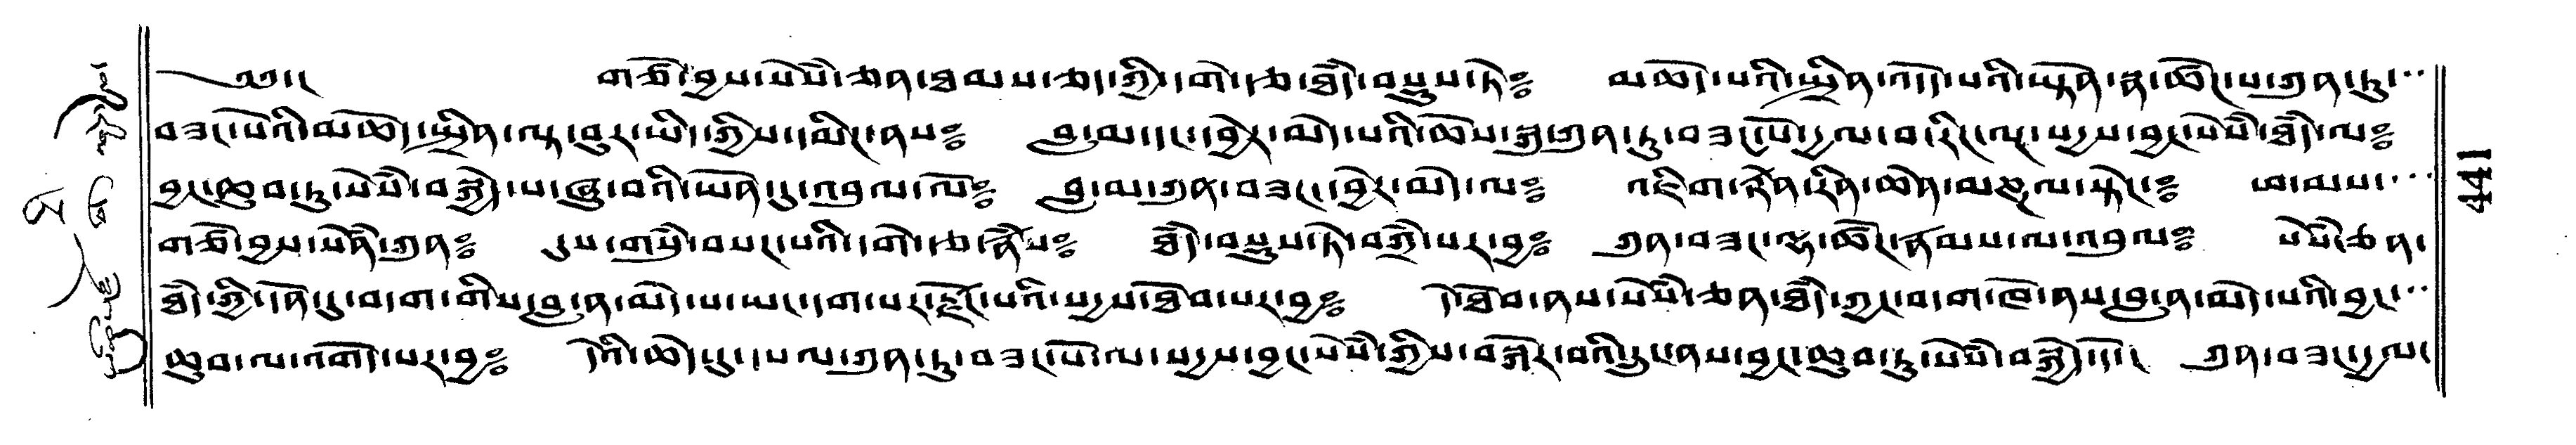གཙོ་བྱས་སེམས་ཅན་ཐམས་ཅད་ཀྱི་དགེ་རྩ་ཐམས་ཅད་བསྡུས་ཏེ༔ མཆོད་པའི་སྤྲིན་འདོད་པའི་ཡོན་ཏན་སྣ་ཚོགས་པ་ཀུན་ཏུ་
བཟང་པོའི་མཆོད་སྤྲིན་ལྟ་བུར་ཡིད་ཀྱིས་དམིགས་ནས༔ བླ་མ་དང་དབྱེར་མེད་པའི་ཆོས་སྐུ་ཀུན་ཏུ་བཟང་པོ་རྒྱལ་བ་རིགས་ལྔ་སངས་རྒྱས་བྱང་སེམས་ཐམས་ཅད་ལ༔ 
བྱང་ཆུབ་ཏུ་སེམས་བསྐྱེད་པ་ཞུ་བའི་ཡོན་དུ་འབུལ་ལོ༔ བླ་མ་ཀུན་བཟང་དབྱེར་མེད་ལ༔ འཇིག་རྟེན་རིན་ཆེན་མཎྜལ་སྟེང༔ ཕ་མས་
གཙོ་བྱས་སེམས་ཅན་ཀུན༔ དུས་གསུམ་བསགས་པའི་དགེ་རྩ་རྣམས༔ ཐམས་ཅད་བསྡུས་ཏེ་བཀྲམ་པར་བྱ༔ཀུན་བཟང་ལྷ་ཚོགས་རྣམས་ལ་འབུལ༔ སེམས་ཅན་
ཐམས་ཅད་ཀྱི་དོན་དུ་བདག་གིས་བླ་ན་མེད་པ་ཡང་དག་པར་རྫོགས་པའི་སངས་རྒྱས་ཐོབ་པར་བྱ༔ དེ་ཐོབ་ནས་སེམས་ཅན་ཐམས་ཅད་ཀྱང་བདག་ཁོ་ནས་བླ་ན་མེད་པའི་བྱང་
ཆུབ་ལ་འགོད་པར་བྱ༔ དེའི་ཆེད་དུ་དཔལ་ཀུན་ཏུ་བཟང་པོ་ལ་སངས་རྒྱས་བྱང་སེམས་ཀྱིས་བསྐོར་བའི་དྲུང་ནས་བྱང་ཆུབ་ཏུ་སེམས་བསྐྱེད་དོ༔ ཀུན་བཟང་རྒྱལ་